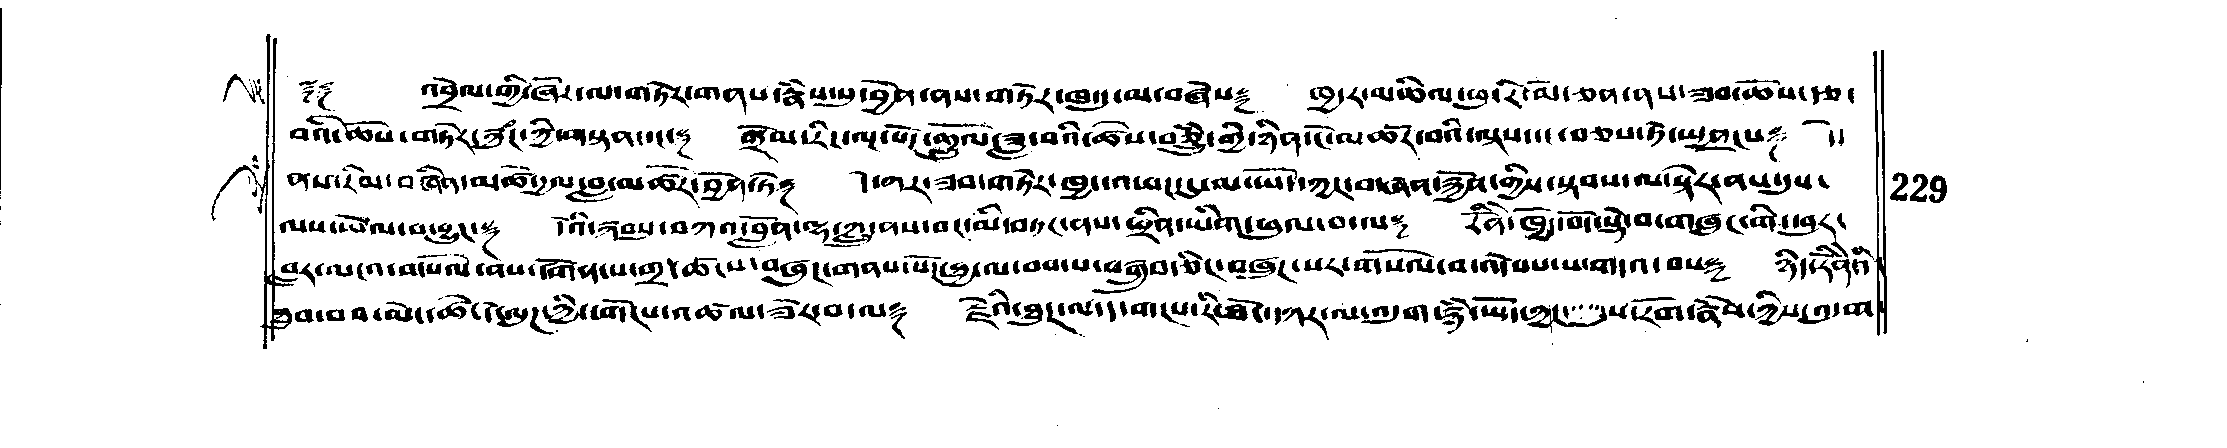འབྲེལ་གྱི་ཞོར་ལ་གཏེར་གནས་རྣམས་སུ་བྱོན་ནས་གཏེར་ཁ་དུ་མ་བཞེས། ཁྱད་པར་མཆིམས་ཕུ་རི་མོ་ཅན་ནས་ཟབ་ཆོས་རྩ་
བའི་ཆོས་གཏེར་སྐུ་གཟུགས་ཀྱི་བསྟན་དང་། སྒྲོམ་རིགས་ལྔ་སོགས་ཆོ་འཕྲུལ་ཟླ་བའི་ཚེས་བཅུ་གསུམ་གྱི་ཉིན་ངོ་མཚར་བའི་ལྟས་དང་བཅས་ཏེ་སྤྱན་དྲངས། དེ་
ནས་རིམ་བཞིན་མཚོ་རྒྱལ་བླ་མཚོར་བྱོན་ཏེ། དེ་གར་ཟབ་གཏེར་ཁྱད་འཕགས་དུ་མ་ཡོད་ཀྱང་གཞན་རྐྱེན་གྱིས་སྟབས་ལ་སྟེར་༼མ་ལྡན?༽ནས་དུས་
ལས་ཡོལ་བ་བྱུང་། དེའི་སྐབས་སུ་བཀའ་བློན་ལྷ་ཀླུ་ནས་བང་མི་བཏང་ནས་ཕྲིན་ཡིག་ཕུལ་བ་ལ། རིན་པོ་ཆེ་ཁྱོད་བོད་སྡེ་པ་གཞུང་གི་དབུར་
བླར་མངའ་གསོལ་ནས་དགོན་པ་གྲྭ་ཚང་བཞུགས་གནས་སོགས་ཐུགས་ལ་བབ་པ་བསྒྲུབ་ཅིང་བཞུགས་པར་གསོལ་བ་འདེབས་པ་གདའ་བས། ཉིད་རིན་པོ་ཆེའི་
ཐུབ་བབ་མེད་ཚེ་དེ་ལུགས་ཀྱི་དགོངས་འཚལ་ཟེར་བ་ལ། རྗེའི་ཐུགས་ལ་ད་གངས་རི་ཐོད་དཀར་ལ་འདུག་སྙམ་ཡོད་ཀྱང་རོགས་རྣམས་ཀྱིས་འདུག་